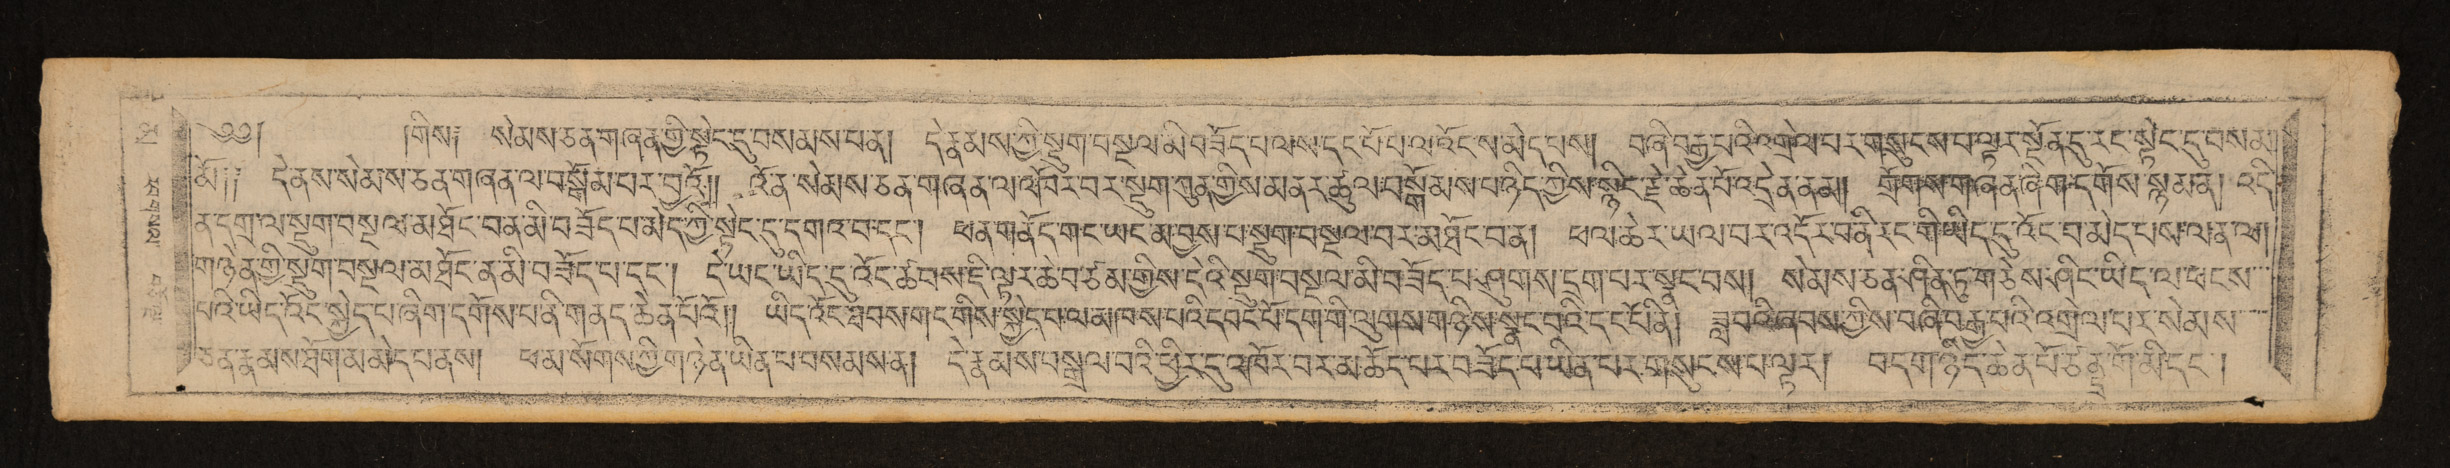༄༅། །གིས། སེམས་ཅན་གཞན་གྱི་སྟེང་དུ་བསམས་པ་ན། དེ་རྣམས་ཀྱི་སྡུག་བསྔལ་མི་བཟོད་པ་ལས་དང་པོ་པ་ལ་འོང་མེད་པས། བཞི་བརྒྱ་པའི་འགྲེལ་པར་གསུངས་པ་ལྟར་སྔོན་དུ་རང་སྟེང་དུ་བསམ་
མོ།། དེ་ནས་སེམས་ཅན་གཞན་ལ་བསྒོམ་པར་བྱའོ།། འོ་ན་སེམས་ཅན་གཞན་ལ་འཁོར་བར་སྡུག་ཀུན་གྱིས་མནར་ཚུལ་བསྒོམས་པ་ཉིད་ཀྱིས་སྙིང་རྗེ་ཆེན་པོ་འདྲེན་ནམ། གྲོགས་གཞན་ཞིག་དགོས་སྙམ་ན། འདི་
ན་དགྲ་ལ་སྡུག་བསྔལ་མཐོང་བ་ན་མི་བཟོད་པ་མེད་ཀྱི་སྟེང་དུ་དགའ་བ་དང་། ཕན་གནོད་གང་ཡང་མ་བྱས་པ་སྡུག་བསྔལ་བར་མཐོང་བ་ན། ཕལ་ཆེར་ཡལ་བར་འདོར་བ་ནི་རང་གི་ཡིད་དུ་འོང་བ་མེད་པས་ལན་ལ།
གཉེན་གྱི་སྡུག་བསྔལ་མཐོང་ན་མི་བཟོད་པ་དང་། དེ་ཡང་ཡིད་དུ་འོང་ཚབས་ཇི་ལྟར་ཆེ་བ་ཙམ་གྱིས་དེའི་སྡུག་བསྔལ་མི་བཟོད་པ་ཤུགས་དྲག་པར་སྣང་བས། སེམས་ཅན་ཤིན་ཏུ་གཅེས་ཤིང་ཡིད་ལ་ཕངས་
པའི་ཡིད་འོང་སྐྱེད་པ་ཞིག་དགོས་པ་ནི་གནད་ཆེན་པོའོ།། ཡིད་འོང་ཐབས་གང་གིས་སྐྱེད་པ་ལ་མཁས་པའི་དབང་པོ་དག་གི་ལུགས་གཉིས་སྣང་བའི་དང་པོ་ནི། ཟླ་བའི་ཞབས་ཀྱིས་བཞི་བརྒྱ་པའི་འགྲེལ་པར་སེམས་
ཅན་རྣམས་ཐོག་མ་མེད་པ་ནས། ཕ་མ་སོགས་ཀྱི་གཉེན་ཡིན་པ་བསམས་ན། དེ་རྣམས་བསྒྲལ་བའི་ཕྱིར་དུ་འཁོར་བར་མཆོང་པར་བཟོད་པ་ཡིན་པར་གསུངས་པ་ལྟར། བདག་ཉིད་ཆེན་པོ་ཙནྡྲ་གོ་མི་དང་།